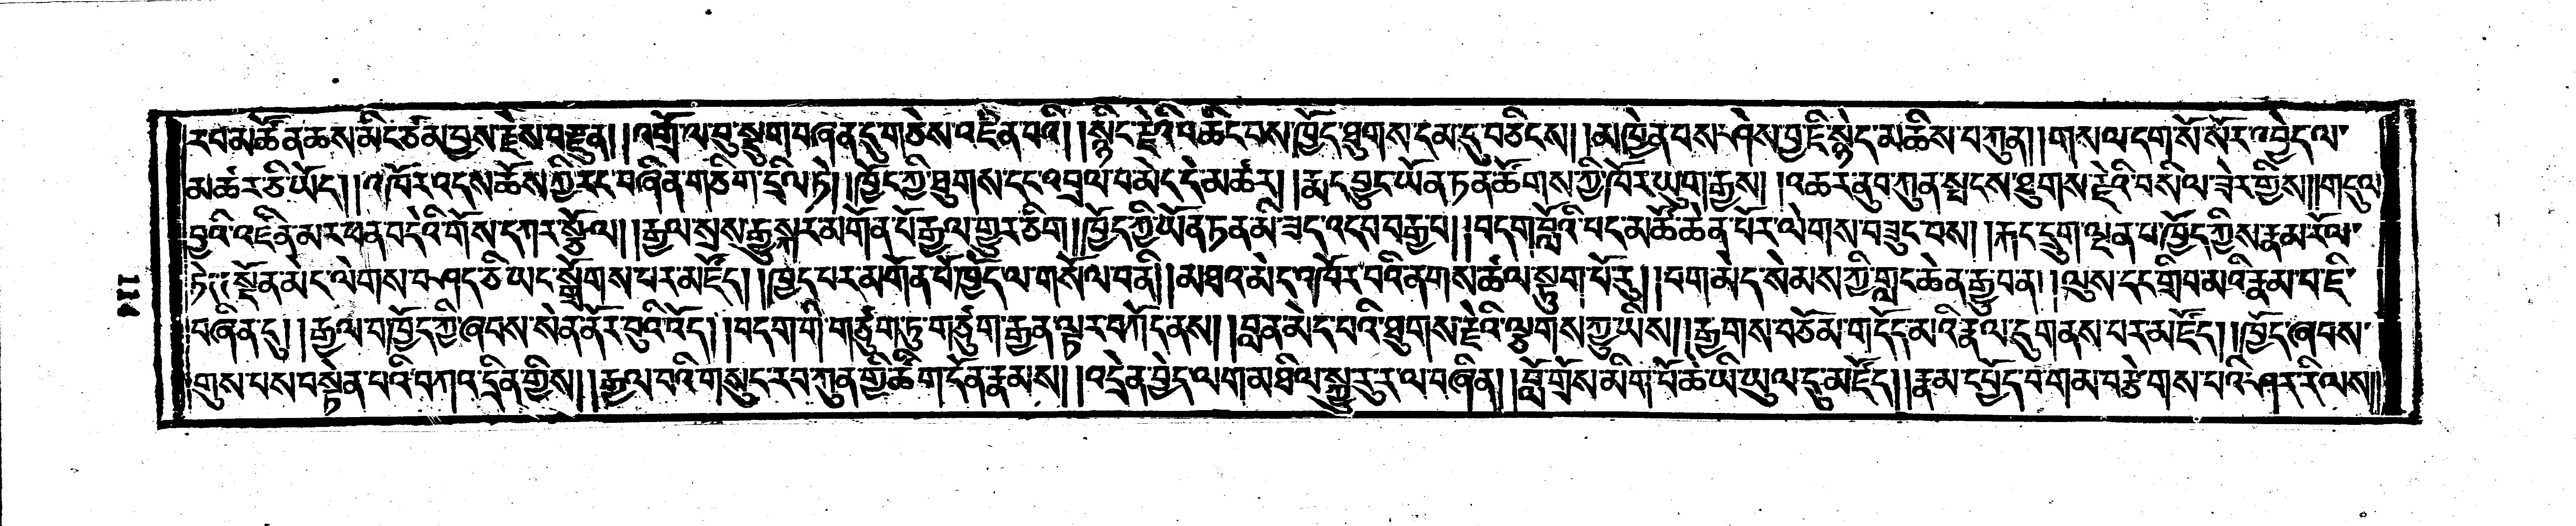རབ་མཚོན་ཆས་མིང་ཙམ་བྱས་རྗེས་བརྫུན། །འགྲོ་ལ་བུ་སྡུག་བཞིན་དུ་གཅེས་འཛིན་པའི། །སྙིང་རྗེའི་འཆིང་བས་ཁྱོད་ཐུགས་དམ་དུ་བཅིངས། །མཁྱེན་པས་ཤེས་བྱ་ཇི་སྙེད་མཆིས་པ་ཀུན། །གསལ་དག་སོ་སོར་འབྱེད་ལ་
མཚར་ཅི་ཡོད། །འཁོར་འདས་ཆོས་ཀྱི་རང་བཞིན་གཅིག་དྲིལ་ཏེ། །ཁྱོད་ཀྱི་ཐུགས་དང་འབྲལ་བ་མེད་དེ་མཚར། །རྨད་བྱུང་ཡོན་ཏན་ཚོགས་ཀྱི་ཁོར་ཡུག་རྒྱས། །འཆར་ནུབ་ཀུན་སྤངས་ཐུགས་རྗེའི་བསིལ་ཟེར་གྱིས། །གདུལ་
བྱའི་འཛིན་མར་ཕན་བདེའི་གོས་དཀར་སྩོལ། །རྒྱལ་སྲས་རྒྱུ་སྐར་མགོན་པོ་རྒྱལ་གྱུར་ཅིག །ཁྱོད་ཀྱི་ཡོན་ཏན་མི་ཟད་འདབ་བརྒྱ་པ། །བདག་བློའི་པད་མཚོ་ཆེན་པོར་ལེགས་བཟུང་བས། །རྐང་དྲུག་ལྡན་པ་ཁྱོད་ཀྱིས་རྣམ་རོལ་
ཏེ༑ ༑སྔོན་མེད་ལེགས་བཤད་ཅི་ཡང་སྒྲོགས་པར་མཛོད། །ཁྱད་པར་མགོན་པོ་ཁྱོད་ལ་གསོལ་བ་ནི། །མཐའ་མེད་འཁོར་བའི་ནགས་ཚལ་སྟུག་པོ་རུ། །བག་མེད་སེམས་ཀྱི་གླང་ཆེན་རྒྱུ་བ་ན། །ལུས་དང་གྲིབ་མའི་རྣམ་པ་ཇི་
བཞིན་དུ། །རྒྱལ་བ་ཁྱོད་ཀྱི་ཞབས་སེན་ནོར་བུའི་འོད། །བདག་གི་གཙུག་ཏུ་གཙུག་རྒྱན་ལྟར་བཀོད་ནས། །བླ་ན་མེད་པའི་ཐུགས་རྗེའི་ལྕགས་ཀྱུ་ཡིས། །རྒྱགས་བཅོམ་གདོད་མའི་རྣལ་དུ་གནས་པར་མཛོད། །ཁྱོད་ཞབས་
གུས་པས་བསྟེན་པའི་བཀའ་དྲིན་གྱིས། །རྒྱལ་བའི་གསུང་རབ་ཀུན་གྱི་ཚིག་དོན་རྣམས། །འདྲེན་བྱེད་ལག་མཐིལ་སྐྱུ་རུ་ར་ལ་བཞིན། །བློ་གྲོས་མིག་པོ་ཆེ་ཡི་ཡུལ་དུ་མཛོད། །རྣམ་དཔྱོད་བ་གམ་བརྩེགས་པའི་ཤར་རི་ལས། །